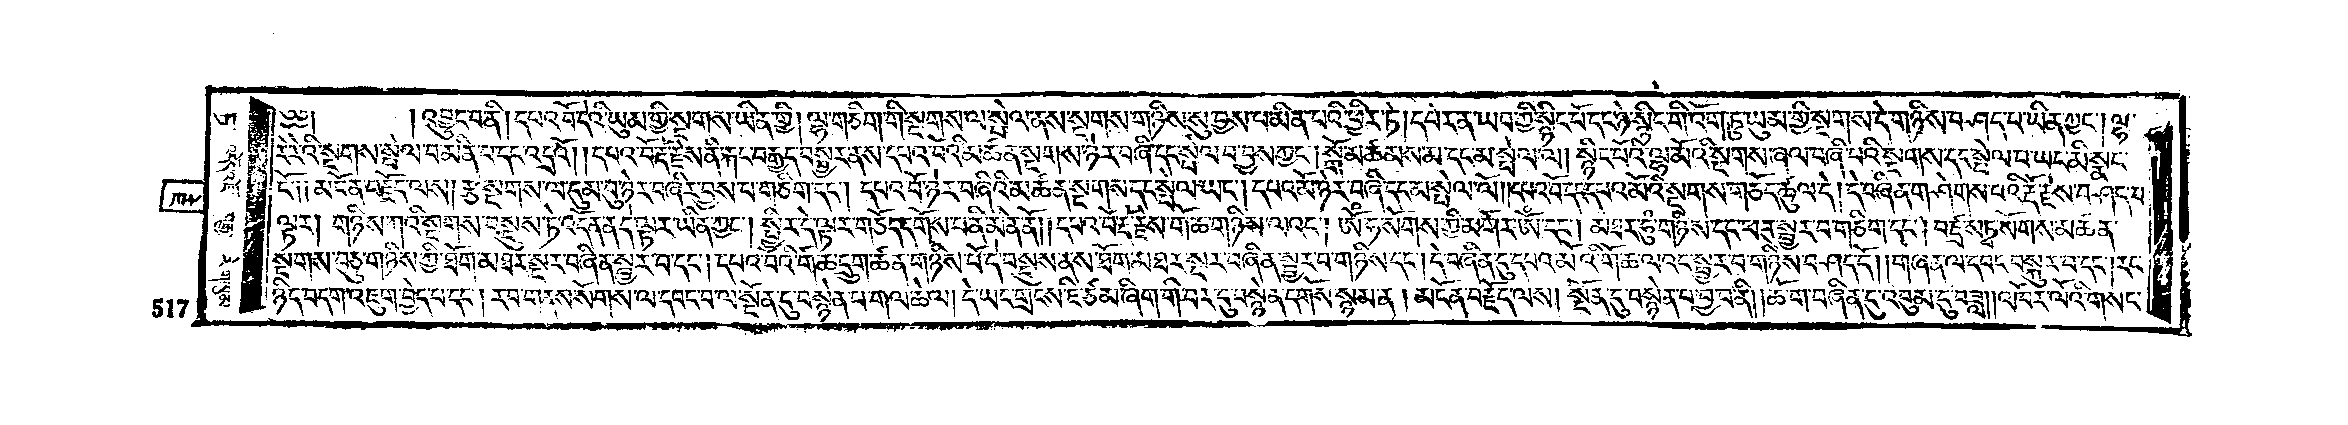༄༅། །འབྱུང་བ་ནི། དཔའ་བོ་དེའི་ཡུམ་གྱི་སྔགས་ཡིན་གྱི། ལྷ་གཅིག་གི་སྔགས་ལ་སྤེལ་ནས་སྔགས་གཉིས་སུ་བྱས་པ་མིན་པའི་ཕྱིར་ཏེ། དཔེར་ན་ཡབ་ཀྱི་སྙིང་པོ་དང་ཉེ་སྙིང་གི་འོག་ཏུ་ཡུམ་གྱི་སྔགས་དེ་གཉིས་བཤད་པ་ཡིན་ཀྱང་། ལྷ་
རེ་རེའི་སྔགས་སྤེལ་བ་མིན་པ་དང་འདྲའོ། །དཔའ་བོ་རྡོ་རྗེས་ནི་རྐང་བརྒྱད་བསྐྱར་ནས་དཔའ་བོའི་མཚན་སྔགས་ཉེར་བཞི་དང་སྤེལ་བ་བྱས་ཀྱང་། སྒོ་མཚམས་མ་དང་མ་སྤེལ་ལ། སྙིང་པོའི་ལྷ་མོའི་སྔགས་ཞལ་བཞི་པའི་སྔགས་དང་སྤེལ་བ་ཡང་མི་སྣང་
ངོ། །མངོན་བརྗོད་ལས། རྩ་སྔགས་ལ་དུམ་བུ་ཉེར་བཞིར་བྱས་པ་གཅིག་དང་། དཔའ་བོ་ཉེར་བཞིའི་མཚན་སྔགས་དང་སྤེལ་ཡང་། དཔའ་མོ་ཉེར་བཞི་དང་མ་སྤེལ་ལོ། །དཔའ་བོ་དང་དཔའ་མོའི་སྔགས་གཅོད་ཚུལ་དེ། དེ་བཞིན་གཤེགས་པའི་རྡོ་རྗེས་བཤད་པ་
ལྟར། གཉིས་ཀའི་སྔགས་བསྡུས་ཏེ་འདོན་ན་དེ་ལྟར་ཡིན་ཀྱང་། སྤྱིར་དེ་ལྟར་གཅོད་དགོས་པ་ནི་མིན་ནོ། །དཔའ་བོ་རྡོ་རྗེས་གོ་ཆ་གཉིས་ལའང་། ཨོཾ་ཧ་སོགས་ཀྱི་མགོར་ཨོཾ་དང་། མཐར་ཧུཾ་གཉིས་དང་ཕཊ་སྦྱར་བ་གཅིག་དང་། བཛྲ་སྟྭ་སོགས་མཚན་
སྔགས་བཅུ་གཉིས་ཀྱི་ཐོག་མཐར་སྔར་བཞིན་སྦྱར་བ་དང་། དཔའ་བོའི་གོ་ཆ་དྲུག་ཚན་གཉིས་པོ་དེ་བསྡུས་ནས་ཐོག་མཐར་སྔར་བཞིན་སྦྱར་བ་གཉིས་དང་། དེ་བཞིན་དུ་དཔའ་མོའི་གོ་ཆ་ལའང་སྦྱར་བ་གཉིས་བཤད་དོ། །གཞན་ལ་དབང་བསྐུར་བ་དང་། རང་
ཉིད་བདག་འཇུག་བྱེད་པ་དང་། རབ་གནས་སོགས་ལ་དབང་བ་ལ་སྔོན་དུ་བསྙེན་པ་གལ་ཆེ་ལ། དེ་ཡང་གྲངས་ཇི་ཙམ་ཞིག་གི་བར་དུ་བསྙེན་དགོས་སྙམ་ན། མངོན་བརྗོད་ལས། སྔོན་དུ་བསྙེན་པ་བྱ་བ་ནི། །ཆོ་ག་བཞིན་དུ་འབུམ་དུ་བཟླ། །འཁོར་ལོའི་གསང་